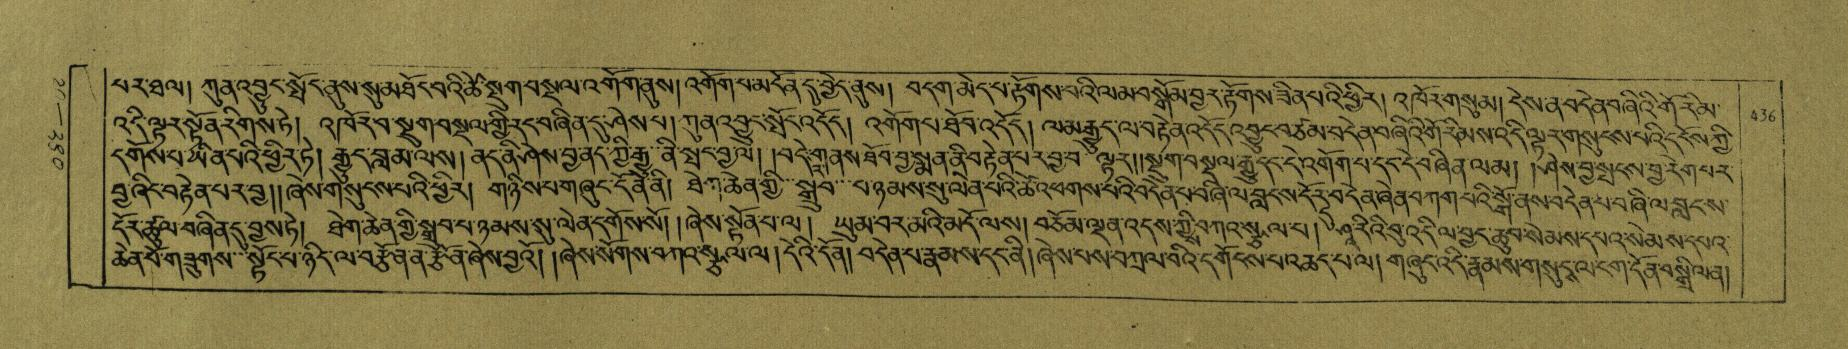པར་ཐལ། ཀུན་འབྱུང་སྤོང་ནུས་སུ་མཐོང་བའི་ཚེ་སྡུག་བསྔལ་འགོག་ནུས། འགོག་པ་མངོན་དུ་བྱེད་ནུས། བདག་མེད་པ་རྟོགས་པའི་ལམ་བསྒོམ་བྱར་རྟོགས་ཟིན་པའི་ཕྱིར། འཁོར་གསུམ། དེས་ན་བདེན་བཞིའི་གོ་རིམ་
འདི་ལྟར་སྟོན་རིགས་ཏེ། འཁོར་བ་སྡུག་བསྔལ་གྱི་རང་བཞིན་དུ་ཤེས་པ། ཀུན་འབྱུང་སྤོང་འདོད། འགོག་པ་ཐོབ་འདོད། ལམ་རྒྱུད་ལ་བརྟེན་འདོད་འབྱུང་བ་ཙམ་བདེན་བཞིའི་གོ་རིམས་འདི་ལྟར་གསུངས་པའི་དངོས་ཀྱི་
དགོས་པ་ཡིན་པའི་ཕྱིར་ཏེ། རྒྱུད་བླ་མ་ལས། ནད་ནི་ཤེས་བྱ་ནད་ཀྱི་རྒྱུ་ནི་སྤང་བྱ་ལ། །བདེར་གནས་ཐོབ་བྱ་སྨན་ནི་བརྟེན་པར་བྱ་བ་ལྟར། །སྡུག་བསྔལ་རྒྱུད་དང་དེ་འགོག་པ་དང་དེ་བཞིན་ལམ། །ཤེས་བྱ་སྤངས་བྱ་རེག་པར་
བྱ་ཞིང་བརྟེན་པར་བྱ། །ཞེས་གསུངས་པའི་ཕྱིར། གཉིས་པ་གཞུང་དོན་ནི། ཐེག་ཆེན་གྱི་སྒྲུབ་པ་ཉམས་སུ་ལེན་པའི་ཚེ་འཕགས་པའི་བདེན་པ་བཞི་ལ་བླངས་དོར་དུ་བདེན་ཞེན་བཀག་པའི་སྒོ་ནས་བདེན་པ་བཞི་ལ་བླངས་
དོར་ཚུལ་བཞིན་དུ་བྱས་ཏེ། ཐེག་ཆེན་གྱི་སྒྲུབ་པ་ཉམས་སུ་ལེན་དགོས་སོ། །ཞེས་སྟོན་པ་ལ། ཡུམ་པར་མའི་མདོ་ལས། བཅོམ་ལྡན་འདས་ཀྱིས་བཀའ་སྩལ་པ། ཤཱ་རིའི་བུ་འདི་ལ་བྱང་ཆུབ་སེམས་དཔའ་སེམས་དཔའ་
ཆེན་པོ་གཟུགས་སྟོང་པ་ཉིད་ལ་བརྩོན་ན་རྩོན་ཞེས་བྱའོ། །ཞེས་སོགས་བཀའ་སྩལ་ལ། དེའི་དོན། བདེན་པ་རྣམས་དང་ནི། ཞེས་པས་བཀྲལ་བའི་དགོངས་པ་འཆད་པ་ལ། གཞུང་འདི་རྣམས་གསུངས་ལ་ངག་དོན་བསྒྲིལ་ན།